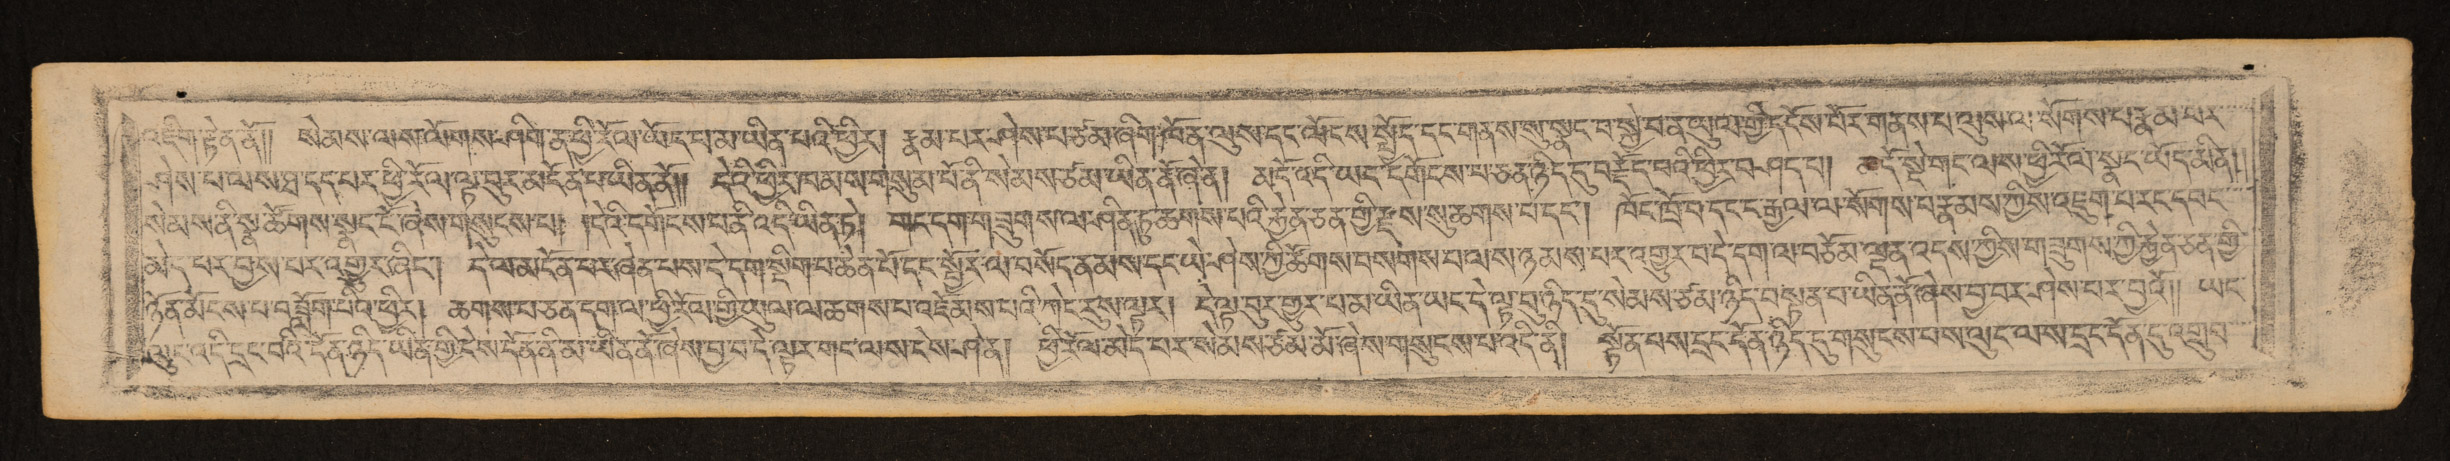འཇིག་རྟེན་ནོ།། སེམས་ལས་ལོགས་ཤིག་ན་ཕྱི་རོལ་ཡོད་པ་མ་ཡིན་པའི་ཕྱིར། རྣམ་པར་ཤེས་པ་ཙམ་ཞིག་ཁོ་ན་ལུས་དང་ལོངས་སྤྱོད་དང་གནས་སུ་སྣང་བ་སྐྱེ་བ་ན་ཡུལ་གྱི་དངོས་པོར་གནས་པ་ལུས་ལ་སོགས་པ་རྣམ་པར་
ཤེས་པ་ལས་ཐ་དད་པར་ཕྱི་རོལ་ལྟ་བུར་མངོན་པ་ཡིན་ནོ།། དེའི་ཕྱིར་ཁམས་གསུམ་པ་ནི་སེམས་ཙམ་ཡིན་ནོ་ཞེ་ན། མདོ་འདི་ཡང་དགོངས་པ་ཅན་ཉིད་དུ་བརྗོད་པའི་ཕྱིར་བཤད་པ། མདོ་སྡེ་གང་ལས་ཕྱི་རོལ་སྣང་ཡོད་མིན།།
སེམས་ནི་སྣ་ཚོགས་སྣང་ངོ་ཞེས་གསུངས་པ། །དེའི་དགོངས་པ་ནི་འདི་ཡིན་ཏེ། གང་དག་གཟུགས་ལ་ཤིན་ཏུ་ཆགས་པའི་རྐྱེན་ཅན་གྱི་རྫས་སུ་ཆགས་པ་དང་། ཁོང་ཁྲོ་བ་དང་ང་རྒྱལ་ལ་སོགས་པ་རྣམས་ཀྱིས་འཇུག་པ་རང་དབང་
མེད་པར་བྱས་པར་འགྱུར་ཞིང་། དེ་ལ་མངོན་པར་ཞེན་པས་དེ་དག་སྡིག་པ་ཆེན་པོ་དང་སྦྱོར་ལ་བསོད་ནམས་དང་ཡེ་ཤེས་ཀྱི་ཚོགས་བསགས་པ་ལས་ཉམས་པར་འགྱུར་བ་དེ་དག་ལ་བཅོམ་ལྡན་འདས་ཀྱིས་གཟུགས་ཀྱི་རྐྱེན་ཅན་གྱི་
ཉོན་མོངས་པ་བཟློག་པའི་ཕྱིར། ཆགས་པ་ཅན་དག་ལ་ཕྱི་རོལ་གྱི་ཡུལ་ལ་ཆགས་པ་འཇོམས་པའི་ཀེང་རུས་ལྟར། དེ་ལྟ་བུར་གྱུར་པ་མ་ཡིན་ཡང་དེ་ལྟ་བུ་ཉིད་དུ་སེམས་ཙམ་ཉིད་བསྟན་པ་ཡིན་ནོ་ཞེས་བྱ་བར་ཤེས་པར་བྱའོ།། ཡང་
ལུང་འདི་དྲང་བའི་དོན་ཉིད་ཡིན་གྱི་ངེས་དོན་ནི་མ་ཡིན་ནོ་ཞེས་བྱ་བ་དེ་ལྟར་གང་ལས་ངེས་ཤེ་ན། ཕྱི་རོལ་མེད་པར་སེམས་ཙམ་མོ་ཞེས་གསུངས་པ་འདི་ནི། སྟོན་པས་དྲང་དོན་ཉིད་དུ་གསུངས་པས་ལུང་ལས་དྲང་དོན་དུ་འགྲུབ་